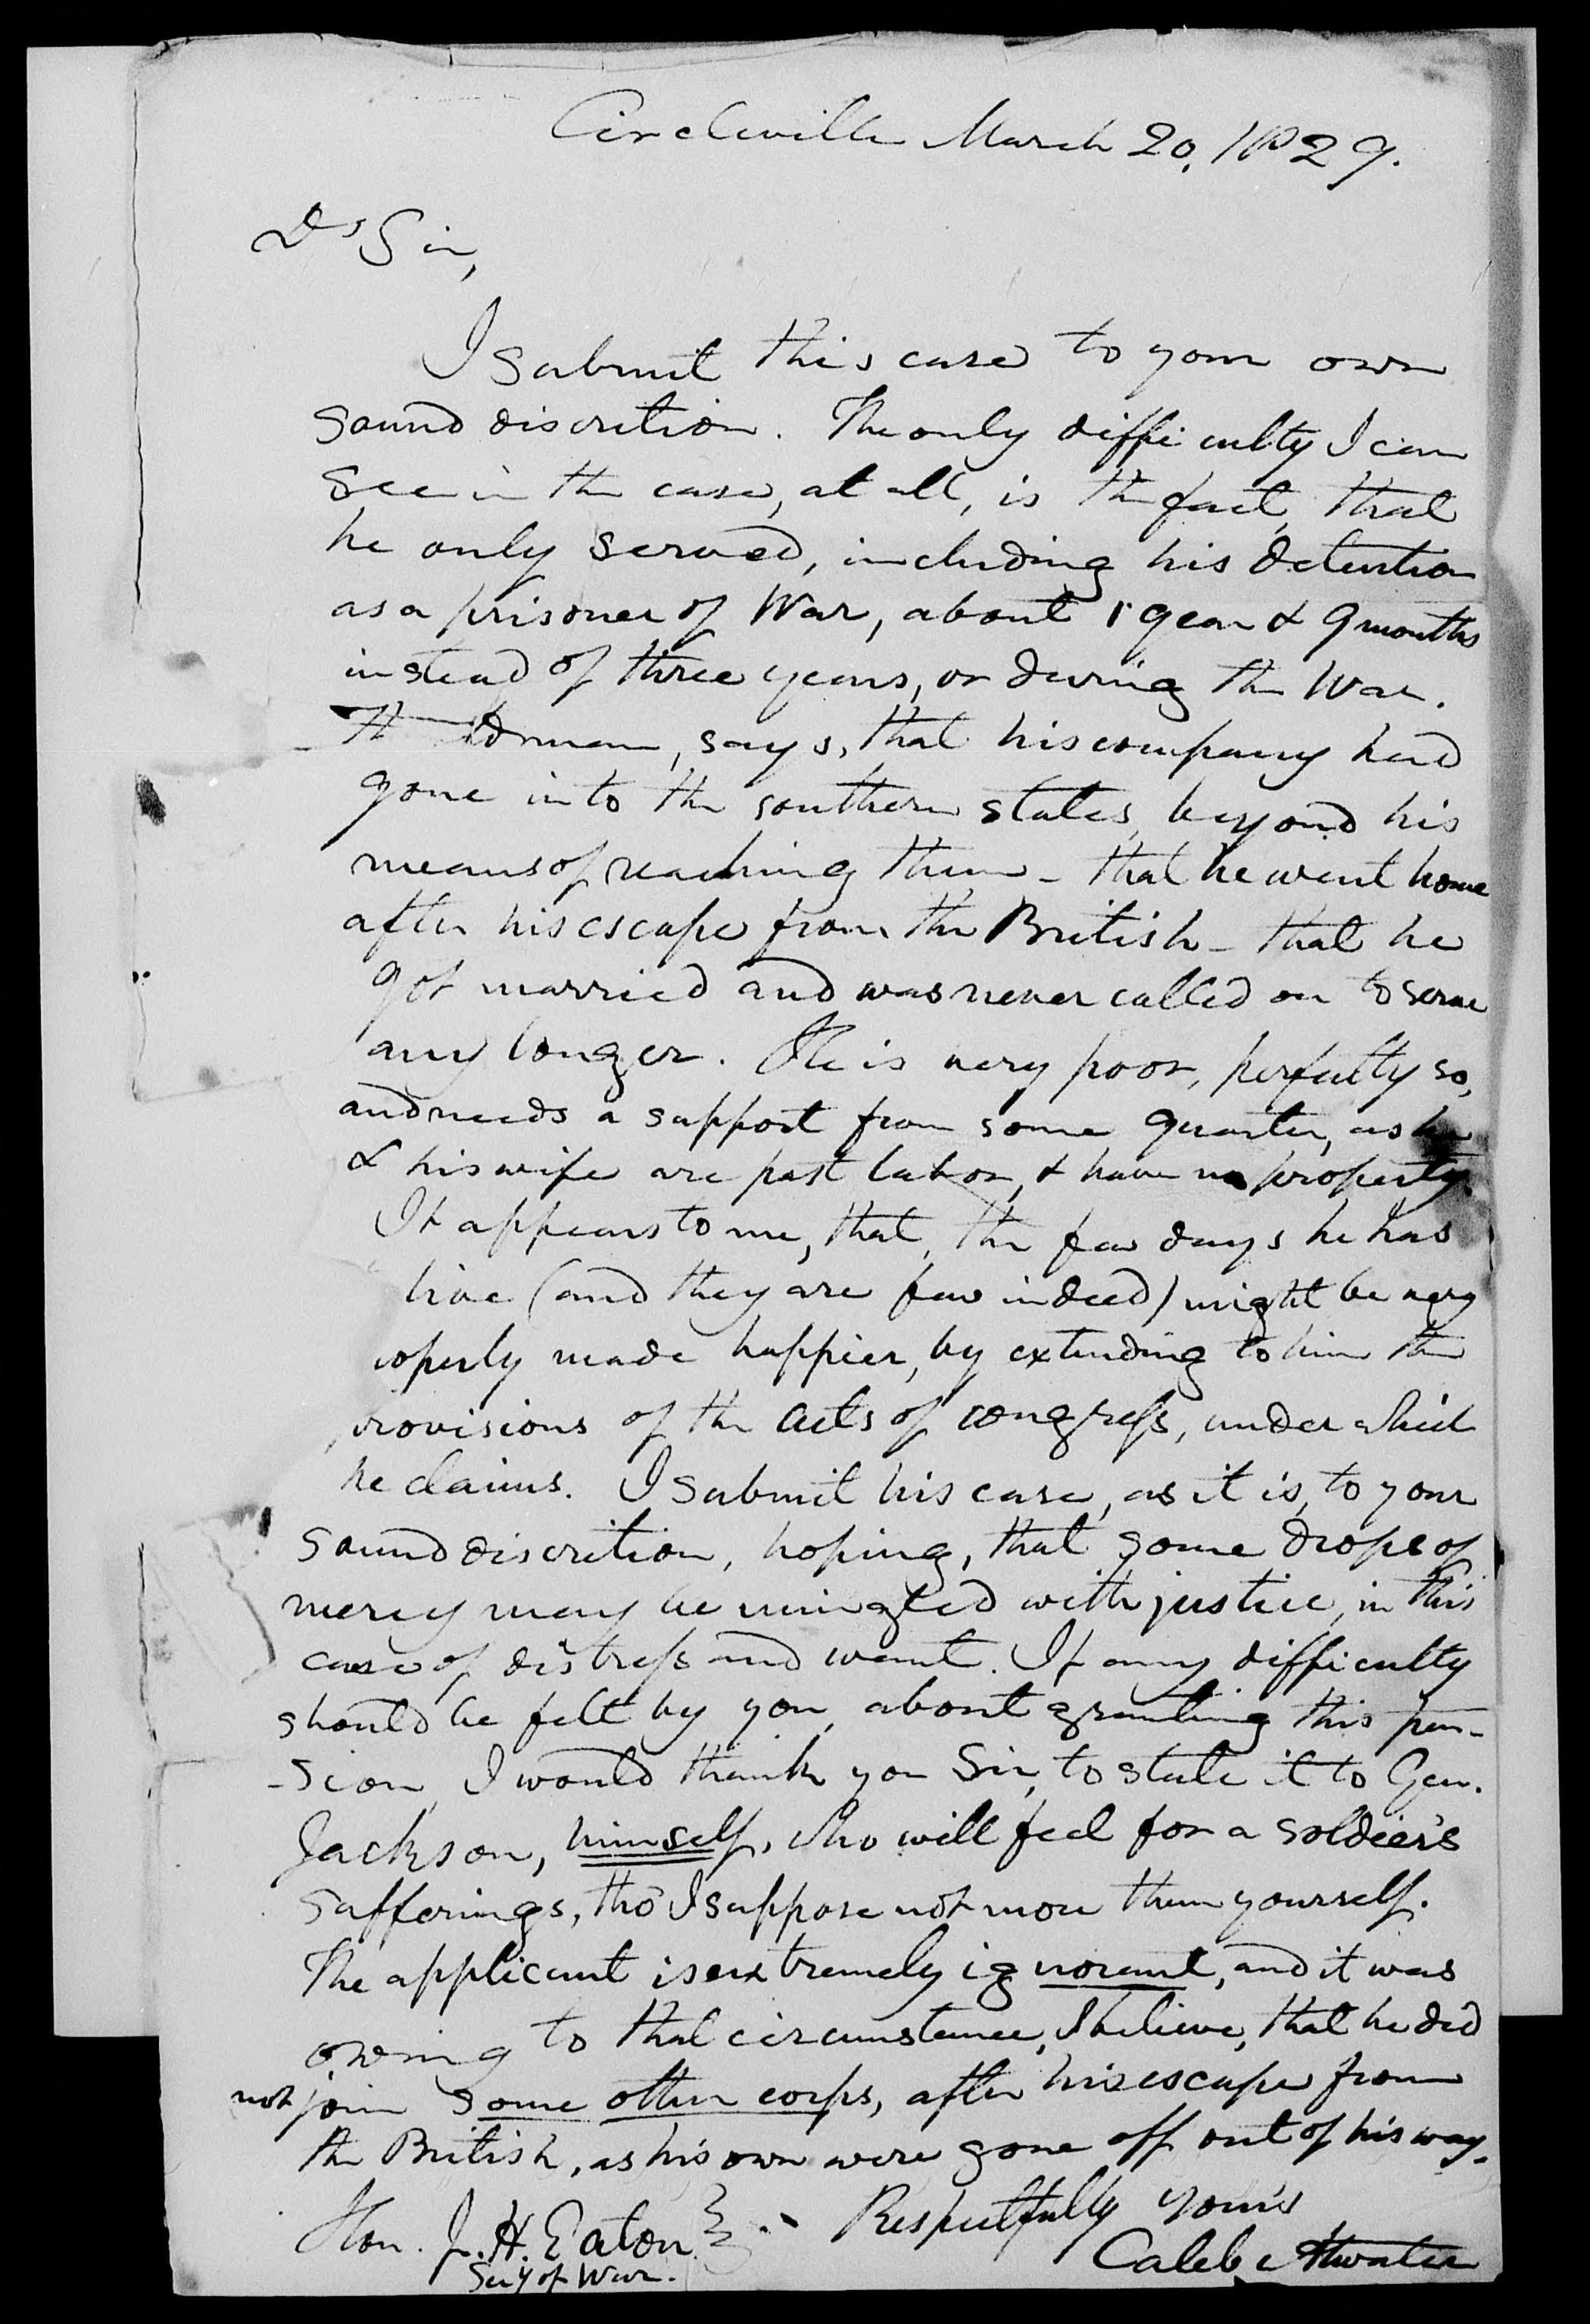[not legible] March 20, 1829
Dear Sir, 
I submit this case to your own sound discretion. The only difficulty I can see in the case at all, is the fact that he only served, including his detention as a prisoner of War, about 1 year & 9 months. He, I mean says that his company had gone into the southern states beyond his means of reaching them- that he went home after is escape from the British - that he got married and was never called on to serve any longer. He is very poor, perfectly so, and needs a support from some quarter as to his wife are part labor & have a [not legible]. t appears to me, that the few days he has to live and they are few indeed, might be only properly made happier by extending to him the provisions of the acts of congress, under said he claims. Submit his case as it is to your sound discretion, hoping that some hope of mercy may be [not legible] with justice, in this case of distress and want. If any difficulty should be felt by you about granting this pension, I would thank you Sir to state it to Gen. Jackson, himself, who will fee for a soldiers suffering, tho' I suppose not more than yourself. The applicant is extremely ignorant, and it was owing to that circumstance, I believe that he did not join some other corps, after his escape from the British, as his own were some off out of his way.
Respectfully Yours
Caleb Atwater
Hon J. H. Eaton
Sec'y of War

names: Caleb Atwater; [BLANK] Jackson; J H Eaton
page: 3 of 9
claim: rejected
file: R. 16,627, for John Mummy, Maryland